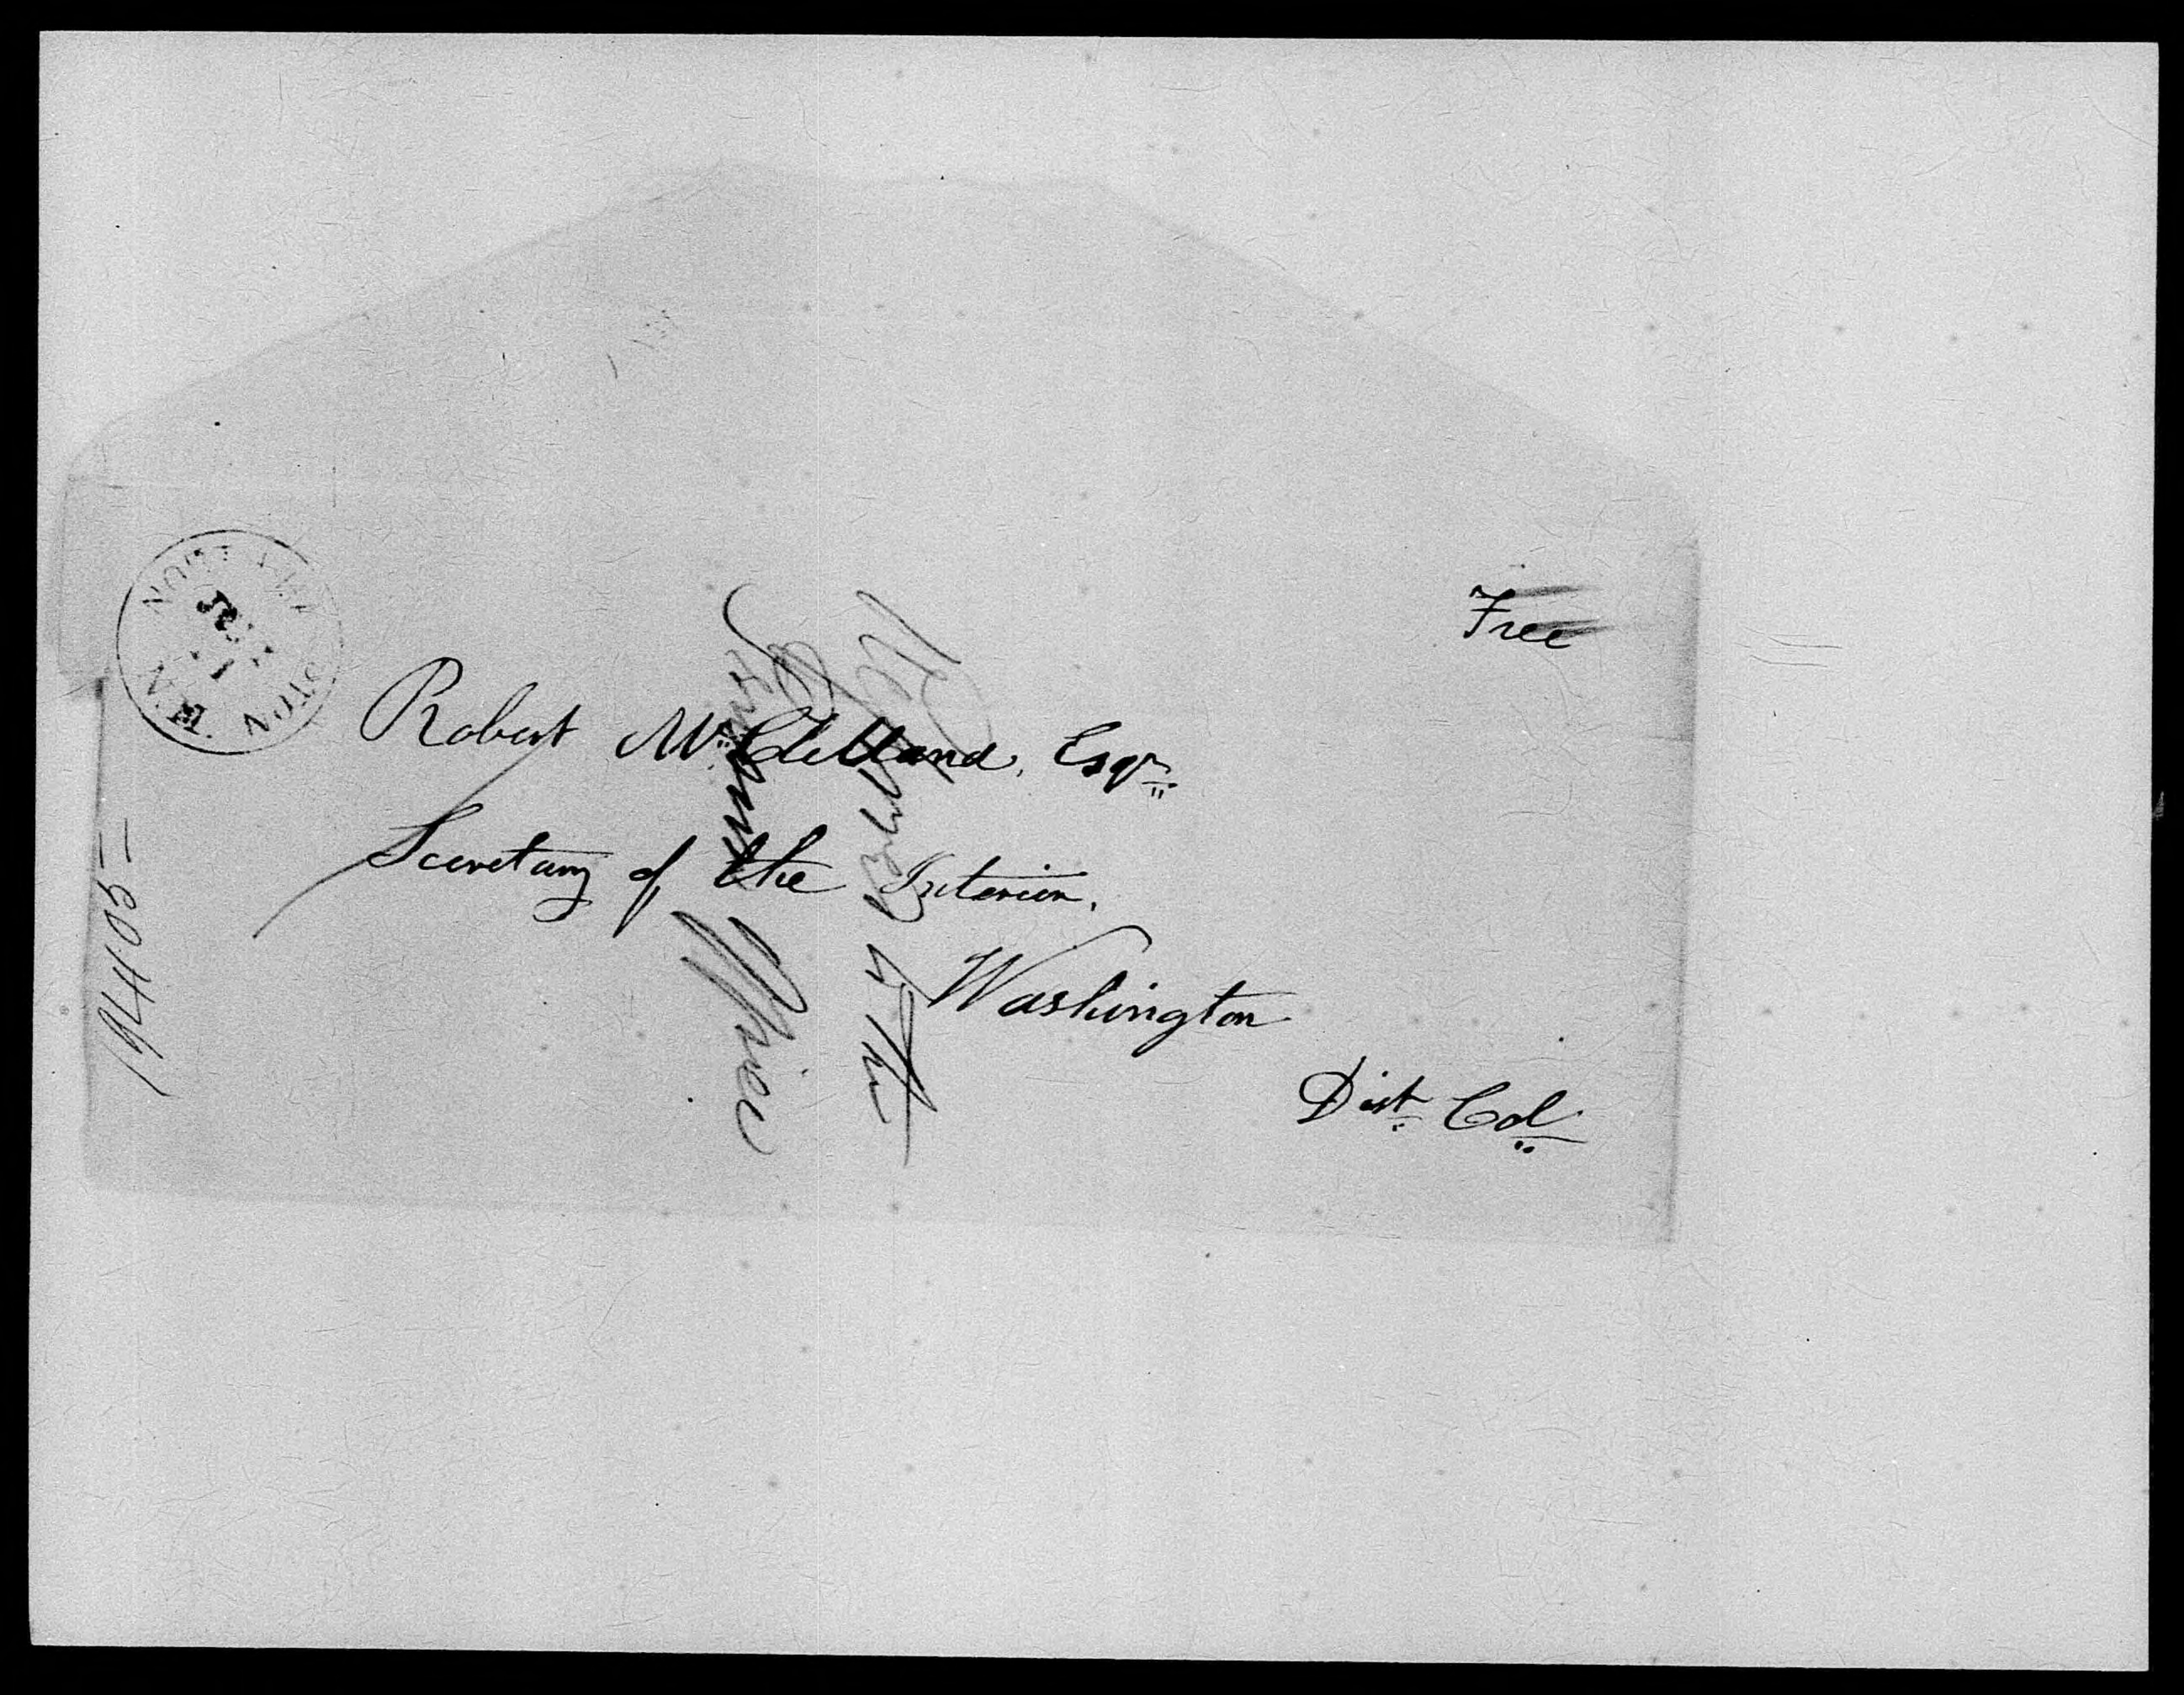[stamp] NORTH HAMPTON JULY 21 N.H.
Free [postage]

Robert Mc Clelland Esqr [ESQUIRE]
Secretary of the Interior
Washington Dist. Col. [DISTRICT OF COLUMBIA]

[sideways] Referred to the Pension office
194105 -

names: Robert Mc Clelland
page: 18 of 53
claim: widow's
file: W. 492, for Daniel Lamprey, New Hampshire